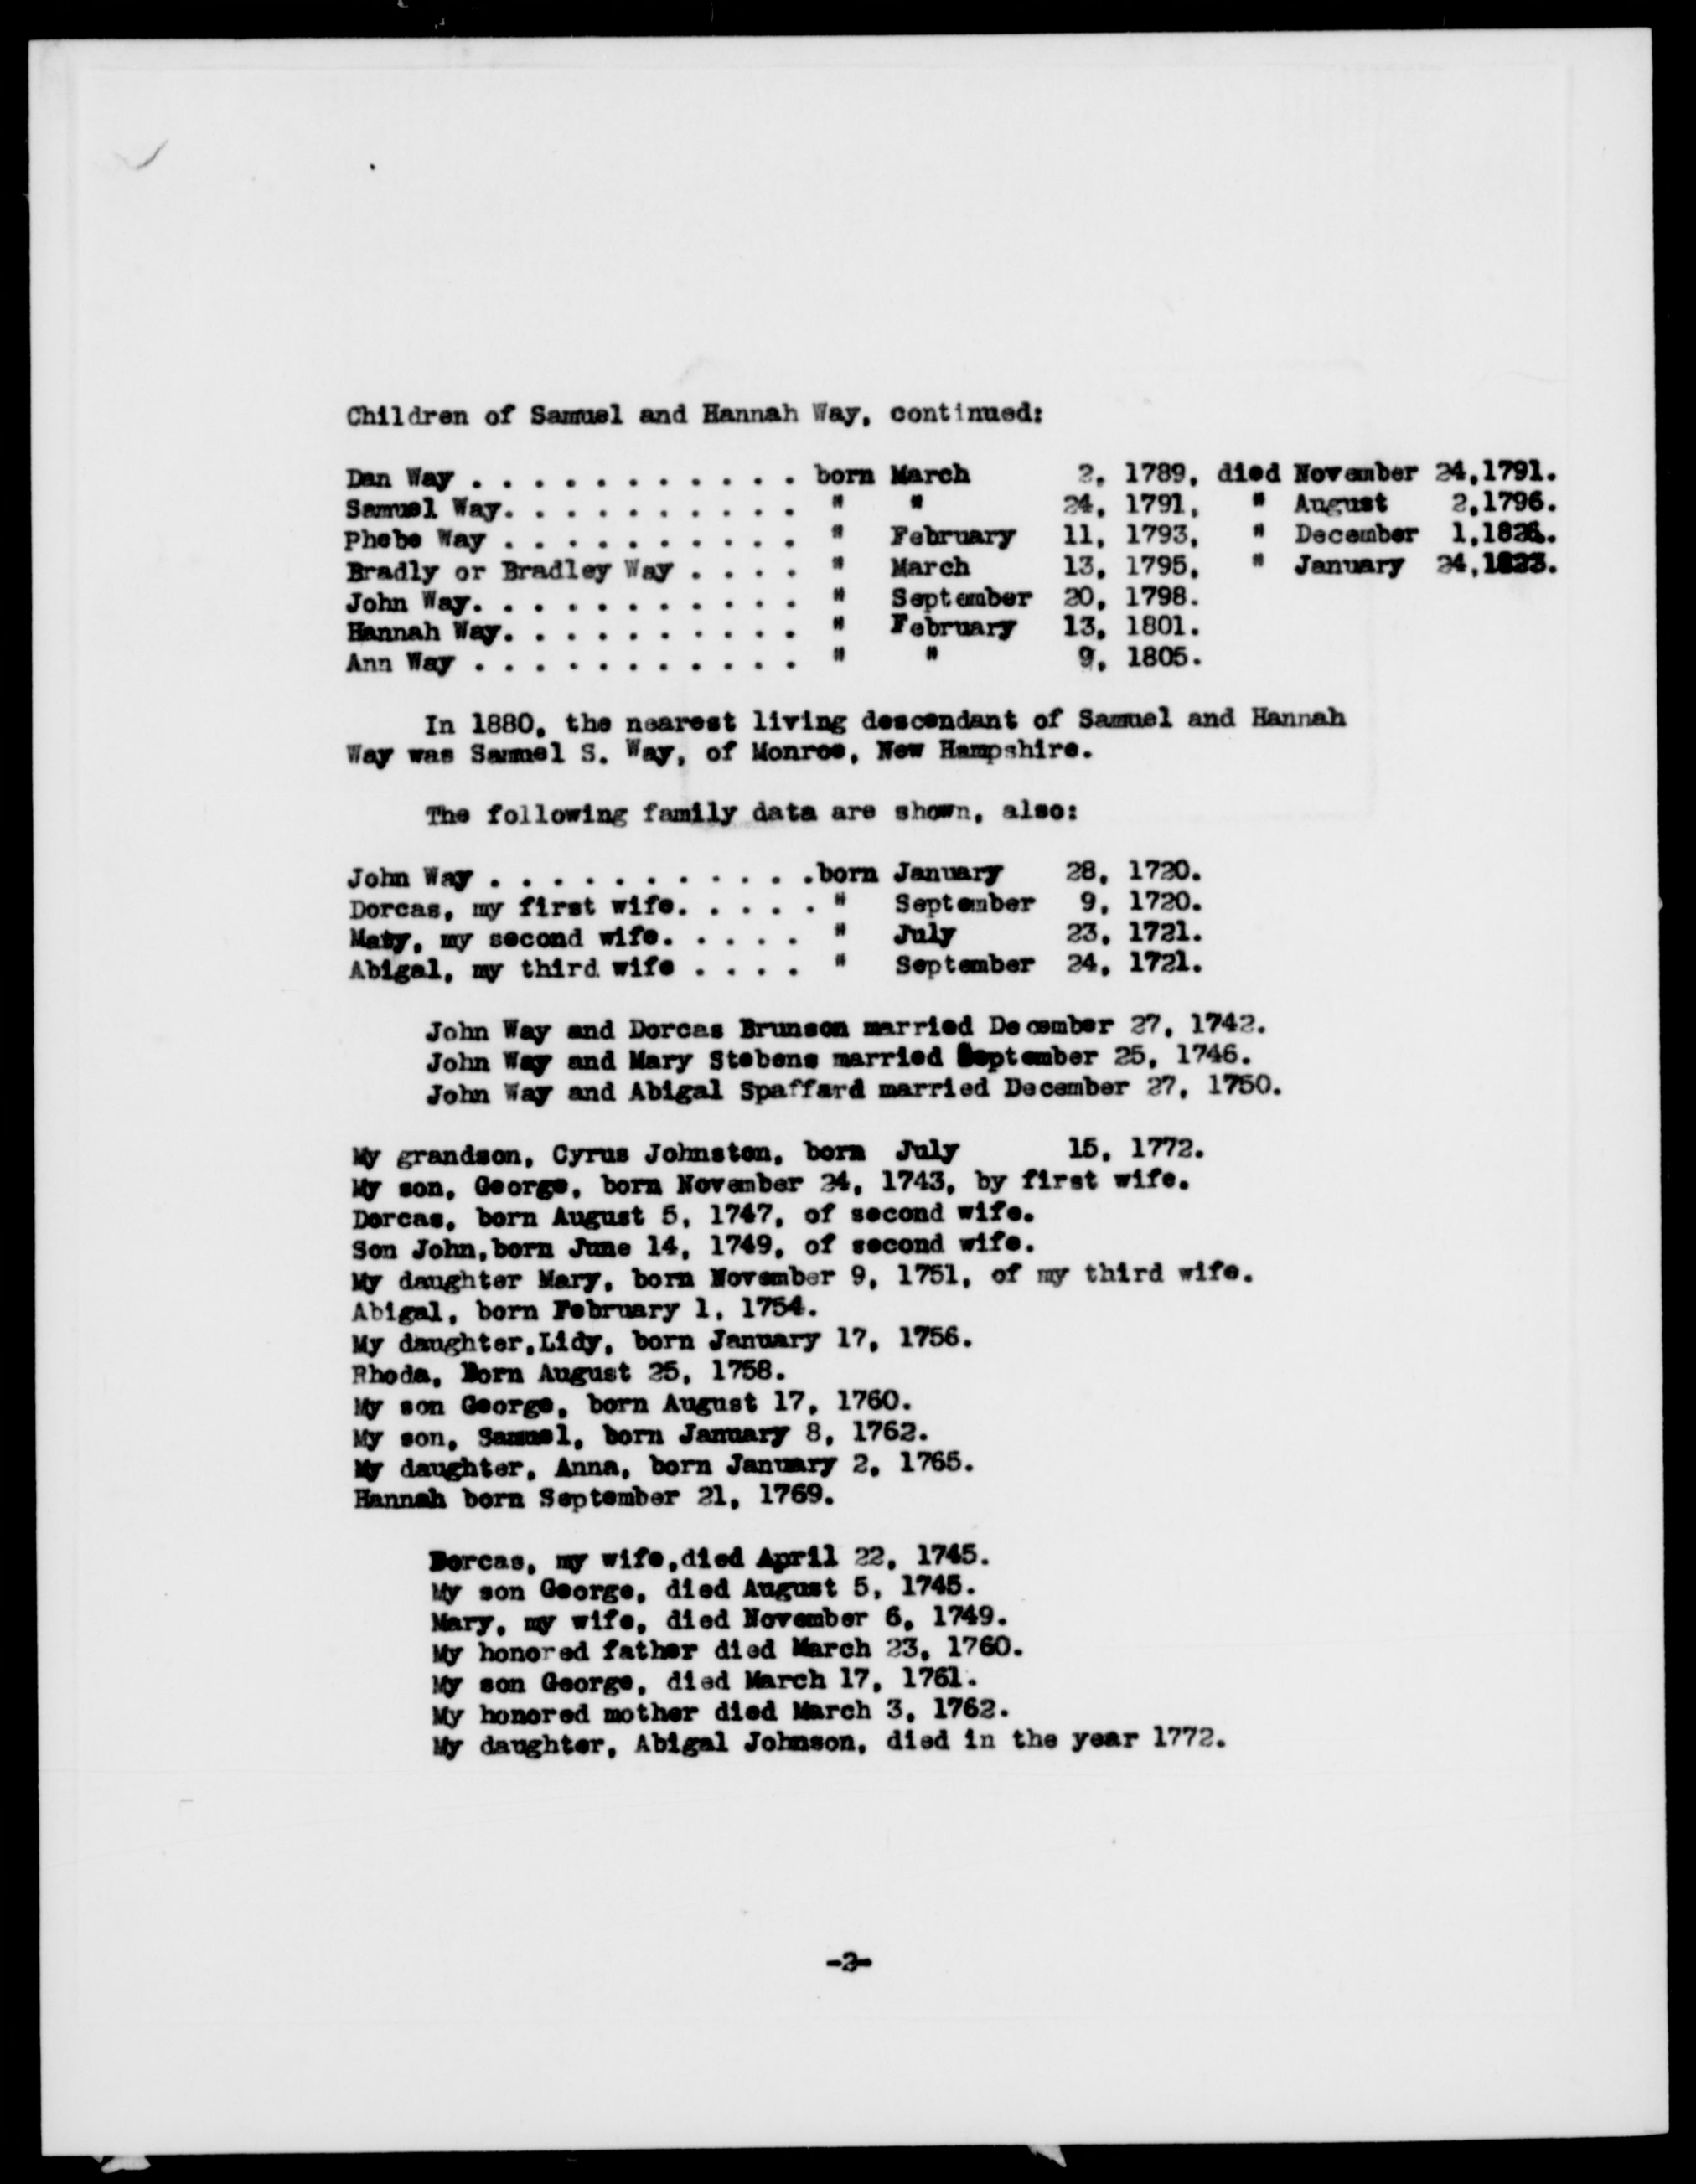Children of Samuel and Hannah Way, continued:

Dan Way   born March 3, 1789, died November 24, 1791


Samuel Way born March  24, 1791, died August 3, 1796.
Phebe Way born February 11, 1793, died December 1, 1836.

Bradly or Bradley Way born March 13, 1796, died January 24, 1823. 
John Way born Septermber 30, 1798l
Hannah Way born February 13, 1801.
Ann Way born February 9, 1805.


In 1880, the nearest living descendant of Samuel and Hannah
Way was Samuel S. Way, of Monroe, New Hampshire.
The following family data are shown, also:
John Way born January 28, 1720.
Dorcas, my first wife born September 9, 1720.
Mary, my second wife born July 23, 1721.
Abigal, my third wife born September 24, 1721.
John Way and Dorcas Brunson married December 27, 1742.
John Way and Mary Stobens married September 25, 1746.
John Way and Abigal Spafford married December 27, 1750.
My grandson, Cyrus Johnston, born July 15, 1772.
my son, George, born November 24, 1743, by first wife.
Dorcas, born August 5, 1747, of second wife.
Son John, born June 14, 1749, of second wife.
my daughter Mary, born November 9, 1751, of my third wife.
Abigal, born February 1, 1754.
My daughter Lidy, born January 17, 1956.
Rhoda, born August 25, 1758.
My son George, born August 17, 1760.
My son, Samuel, born January 8, 1762.
My daughter, Anna, born January 2, 1765.
Hannah born September 21, 1769.
Dorcas, my wife died April 22, 1745.
My son George, died August 5, 1745.
Mary, my wife, died November 6, 1749.
My honored father died March 23, 1760.
My son George, died March 17, 1761.
My honored mother died March 3, 1762.
My daughter, Abigal Johnson, died in the year 1772.

-3-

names: Abigal Johnson, Dorcas, Dan Way, Bradley Way, Anna, John, Dorcas Brunson, Samuel Way, Rhoda, Mary Stebens, John Way, George, Hannah Way, Abigal Spaffard, Phebe Way, Abigal, Samuel S Way, Bradly Way, Lidy, Ann Way, Mary, Hannah, Cyrus Johnston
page: 20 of 78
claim: widow's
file: W. 25856, Samuel Way, N.H.